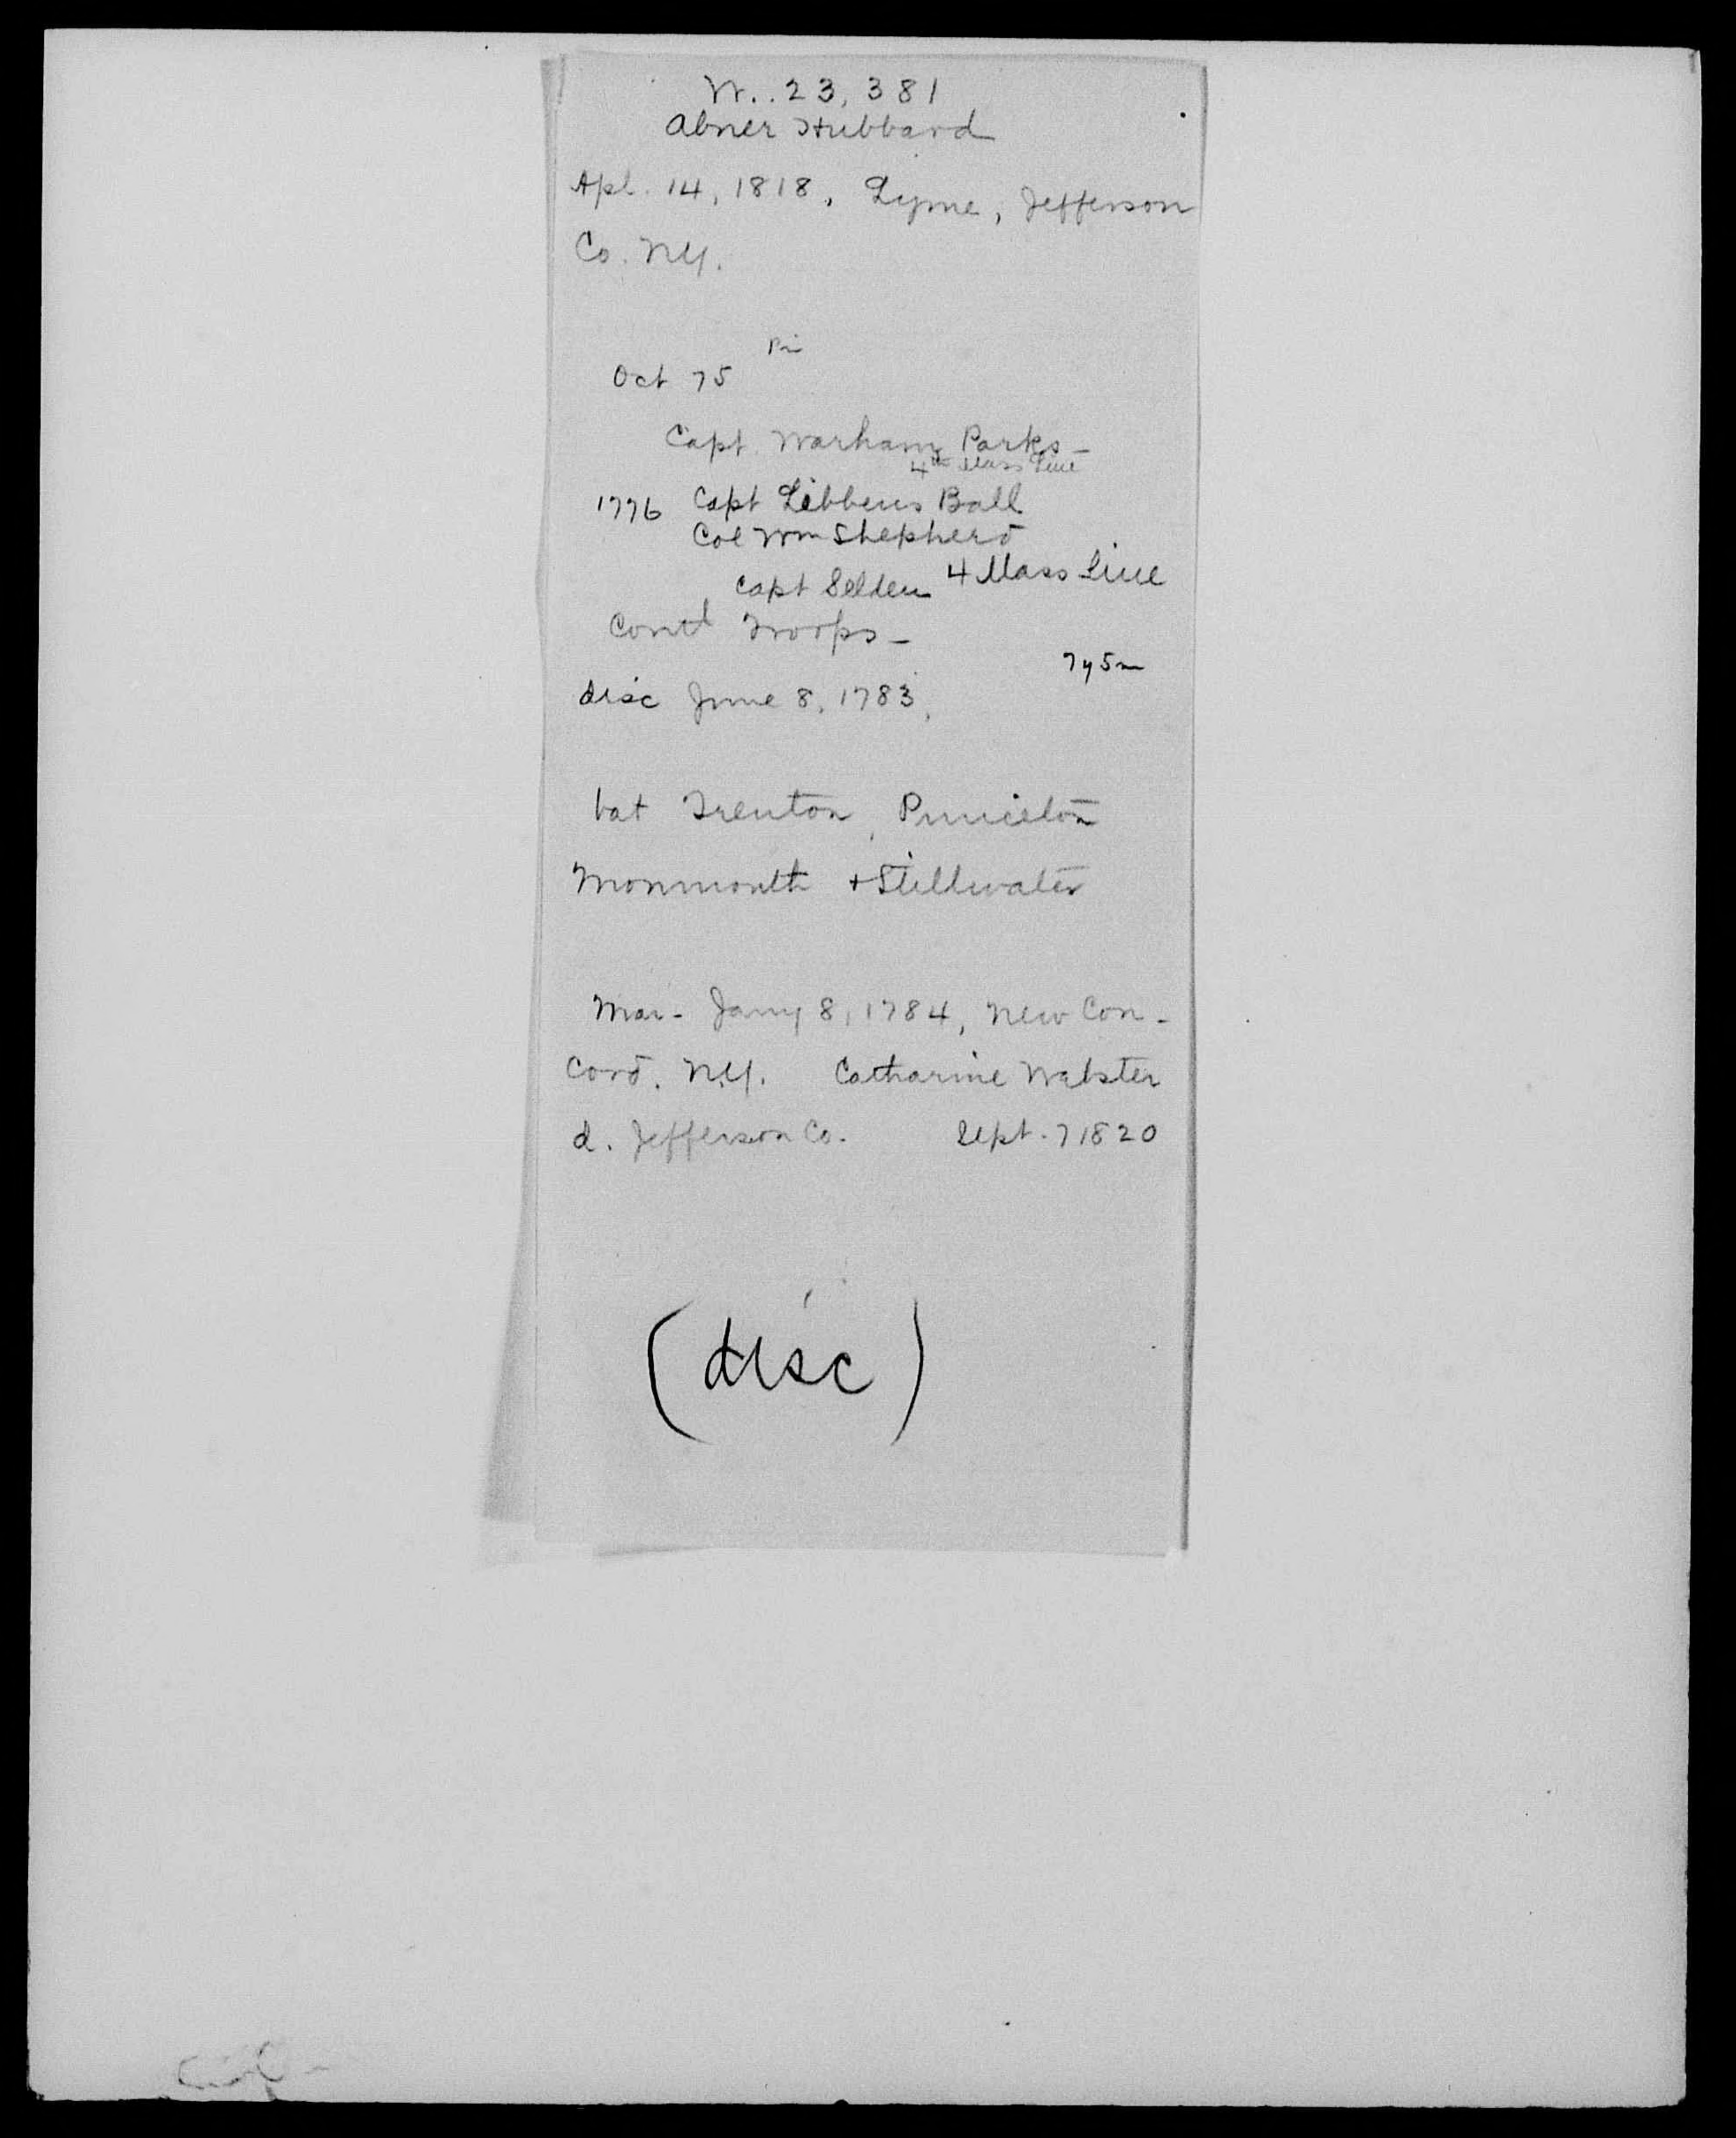[illegible symbol] . . 23, 381
Abner Hubbard
Apl. 14, 1818, Lyme, Jefferson Co. NY.
Oct 15
Capt. Warham Parks-4th Mass Line
1776 Capt Libbius Ball
Col WM (William) Shephered
4 Mass Line
Capt Selden
Cont Troops (Continental Troops) - 7 y 5 mo
disc (discharged) June 8, 1783, 
bat Trenton, Princeton, Monmouth & Stillwater
Mar-Jany (January) 8, 1784, New Concord, N.Y.  Catharine Webster
d. Jefferson Co. Sept 7, 1820
disc.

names: Libbeus Ball, Warham Parks, Selden, Catharine Webster, Abner Hubbard, Wm Shepherd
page: 21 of 38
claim: widow's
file: W. 23,381, Abner Hubbard, Continental Mass.